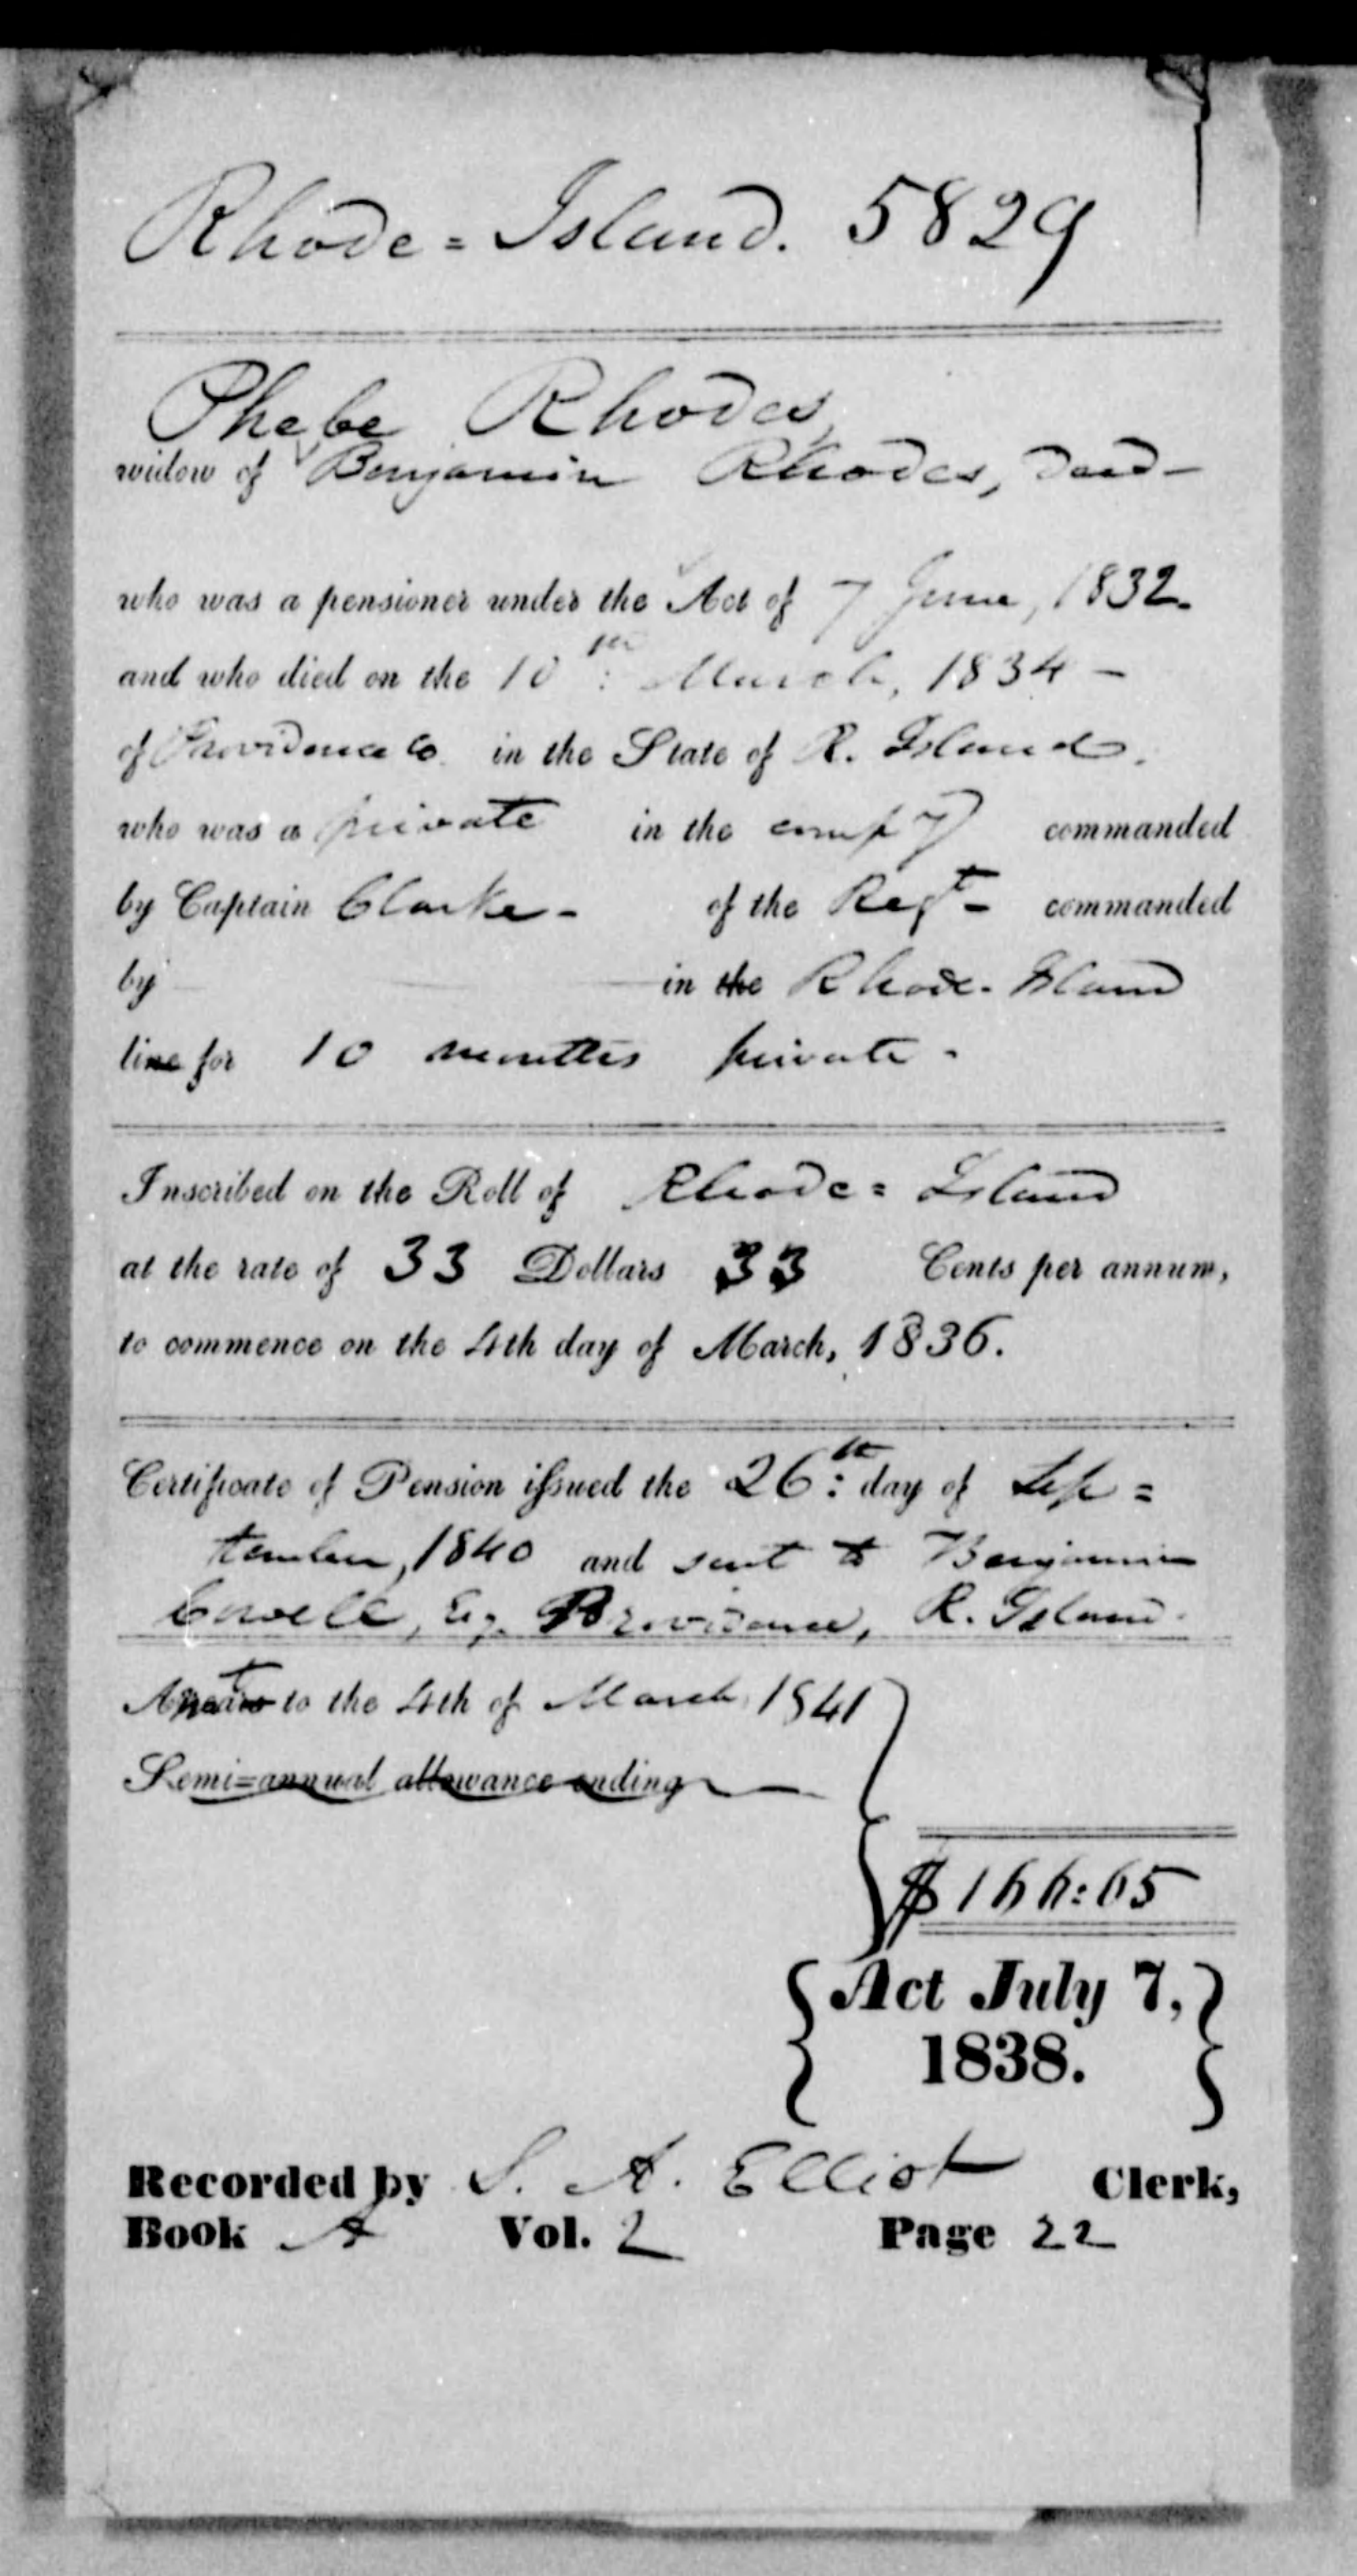Rhode = Island. 5829
-
Phebe Rhodes
widow of Benjamin Rhodes, decd-
who was a pensioner under the Act of 7 June, 1832 and who died on the 10th March, 1834 - of Providence Co. in the State of R. Island who was a private in the cormss 7 commanded by Captain Clarke of the Regt commanded by - in the Rhode Island line for 10 months private.
 - 
Inscribed on the Roll of Rhode Island at the rate of 33 Dollars 33 Cents per annum, to commence on the 4th day of March, 1836.
 - 
Certificate of Pension issued the 26th day of September 1840 and sent to Benjamin Cowell, Esq Providence, R. Island 
- 
Arrears to the 4th of March 1841 $166.65 {Act July 7, 1838.}
Recorded by S. A. Elliot Cleark, Book A Vol. 2 Page 22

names: Benjamin Cowell; Benjamin Rhodes; [BLANK] Clarke; S A Elliot; Phebe Rhodes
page: 25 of 50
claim: widow's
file: W. 22058, for Benjamin Rhodes, Rhode Island